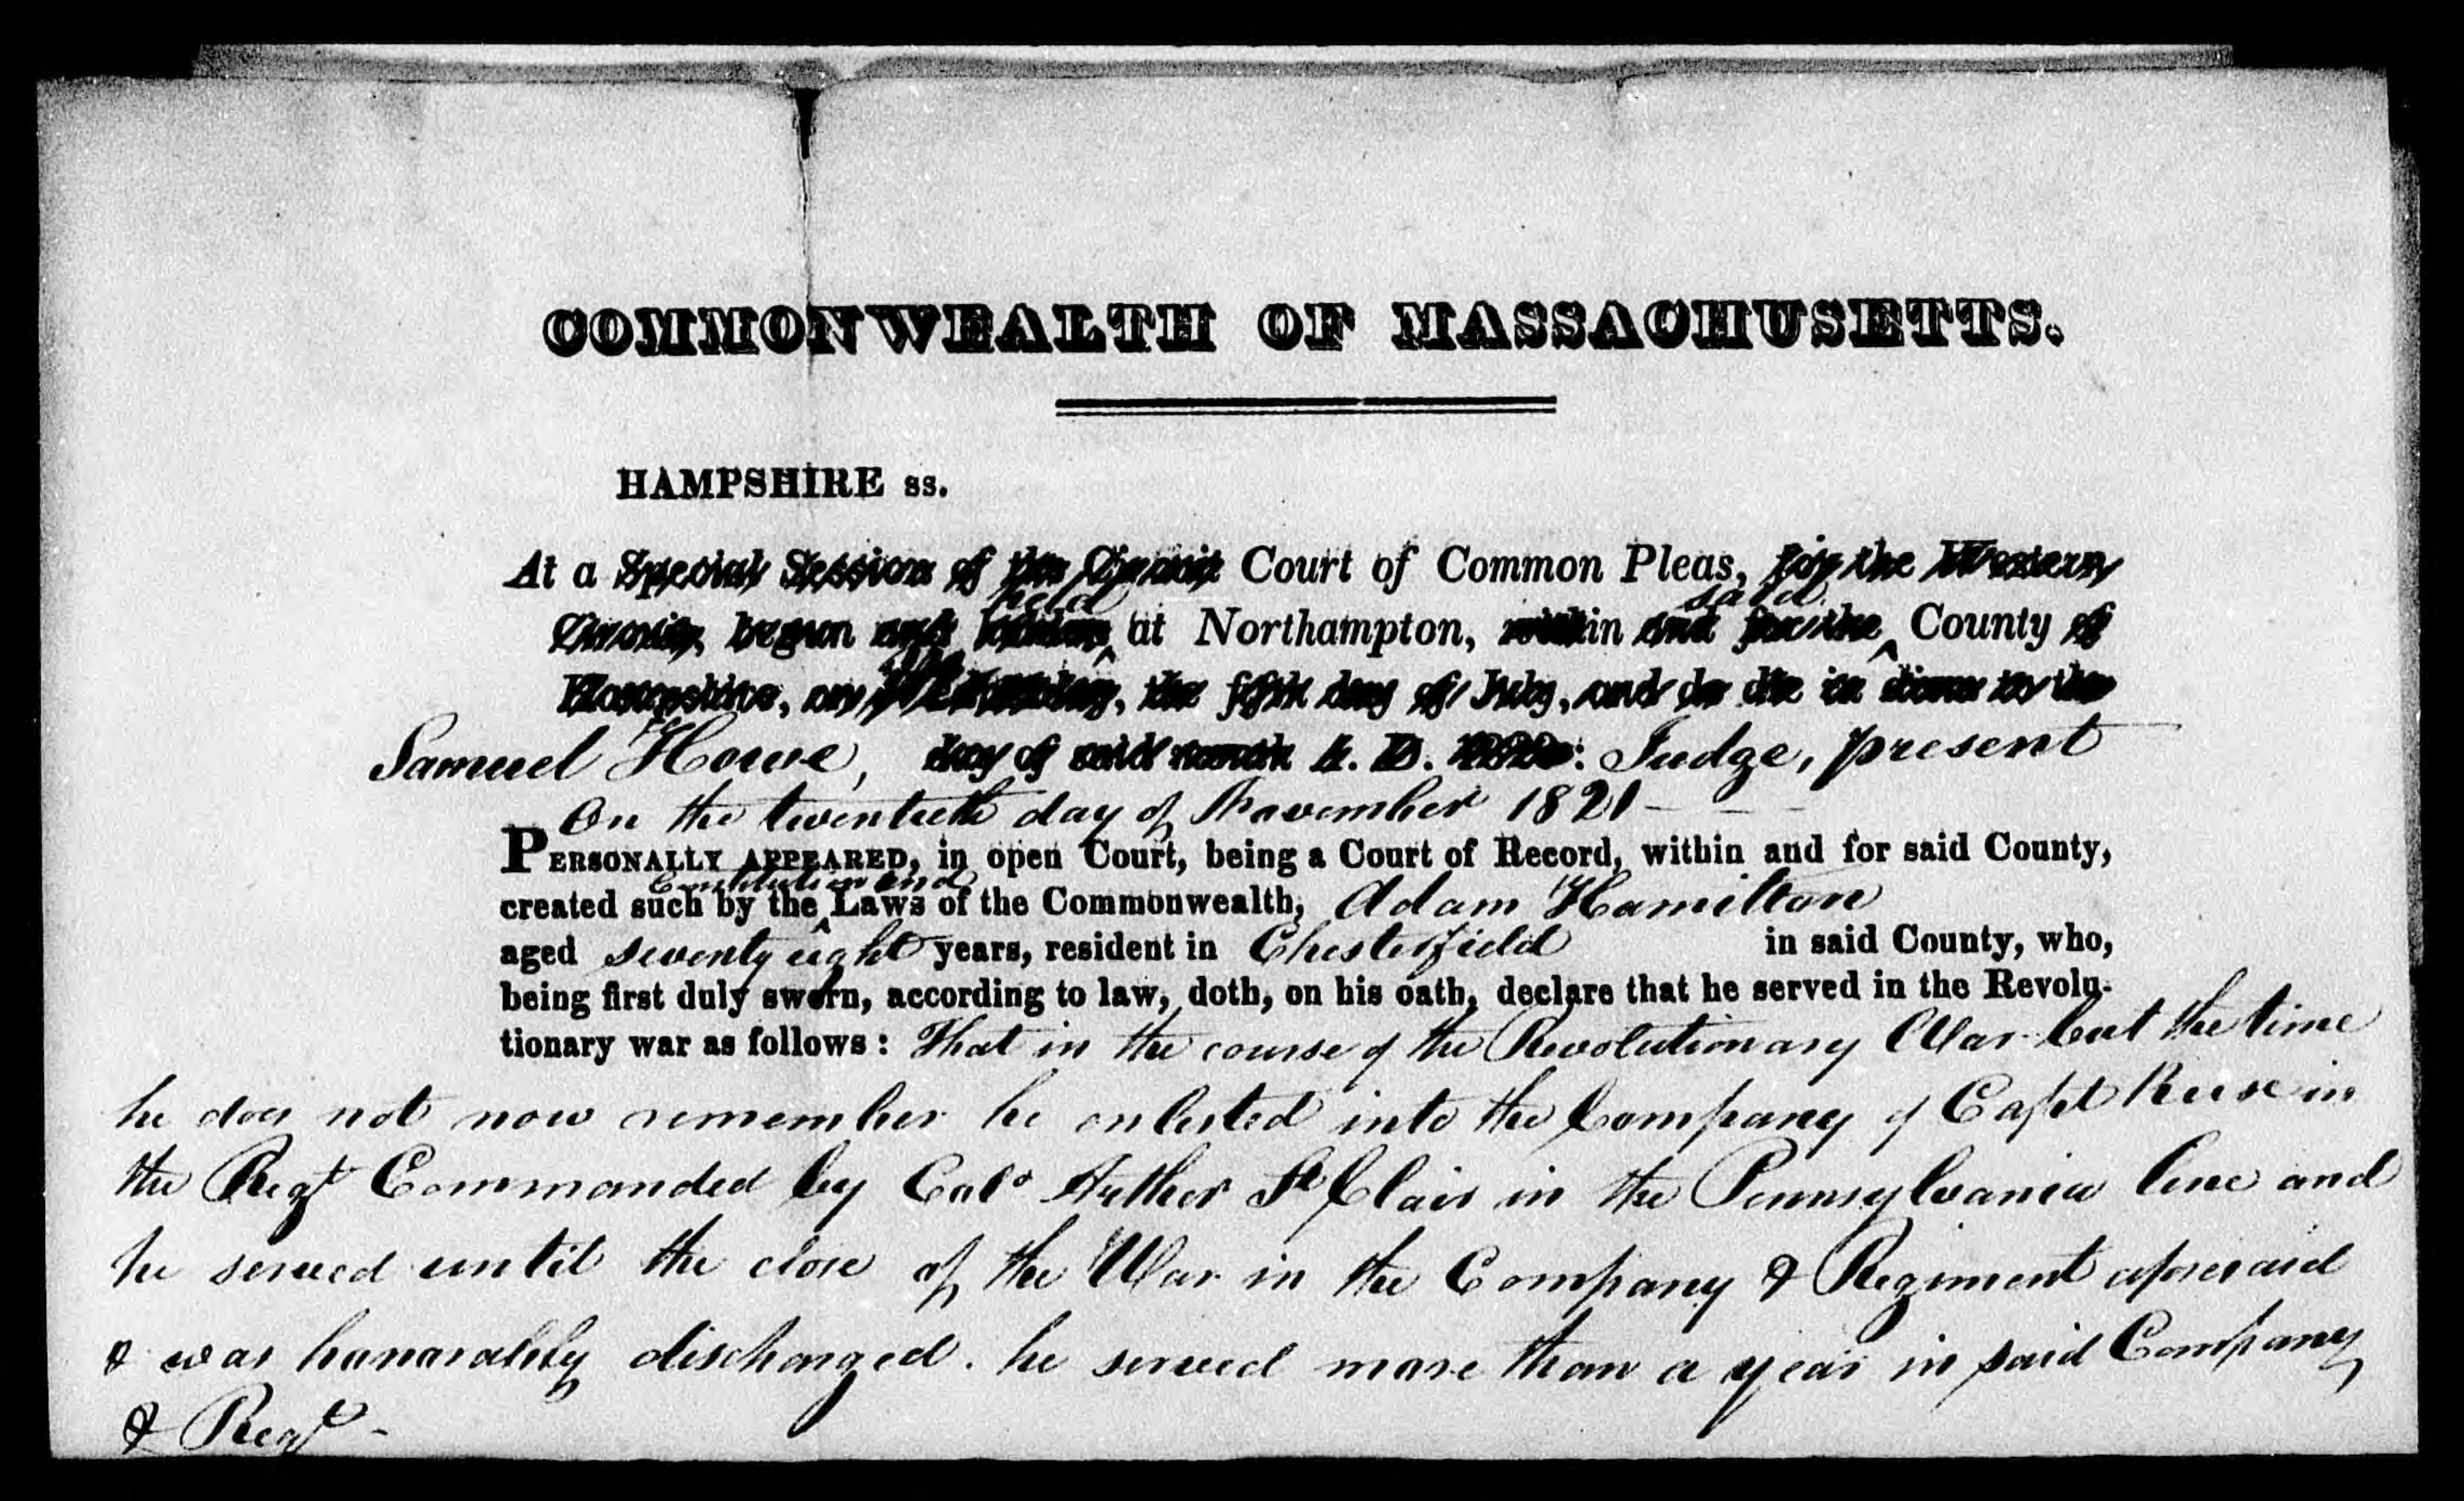COMMONWEALTH OF MASSACHUSETTS.

Hampshire, ss.

At a Special Session of the Circuit Court of Common Pleas at Northampton said county Samuel Howe Judge, present on the twentieth day of November 1821.  Personally appeared, in open court, being a court of record, within and for said county, who, being first duly sworn, according to law, doth, on his oath, declare that he served in the Revolutionary War as follows: That in the course of the Revolutionary War but the time he does not now remember he enlisted into the Company of Capt. Reese in Regt. Commanded by Col. Arthur St. Clair in the Pennsylvania line and he served until the close of the War in the Company & Regiment aforesaid & was honorably discharged, he served more than a year in said Company & Regiment.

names: Adam Hamilton, Arthur St Clair, Ruse, Samuel Howe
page: 8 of 12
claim: survivor's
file: S. 32796, Adam Hamilton, Penn.